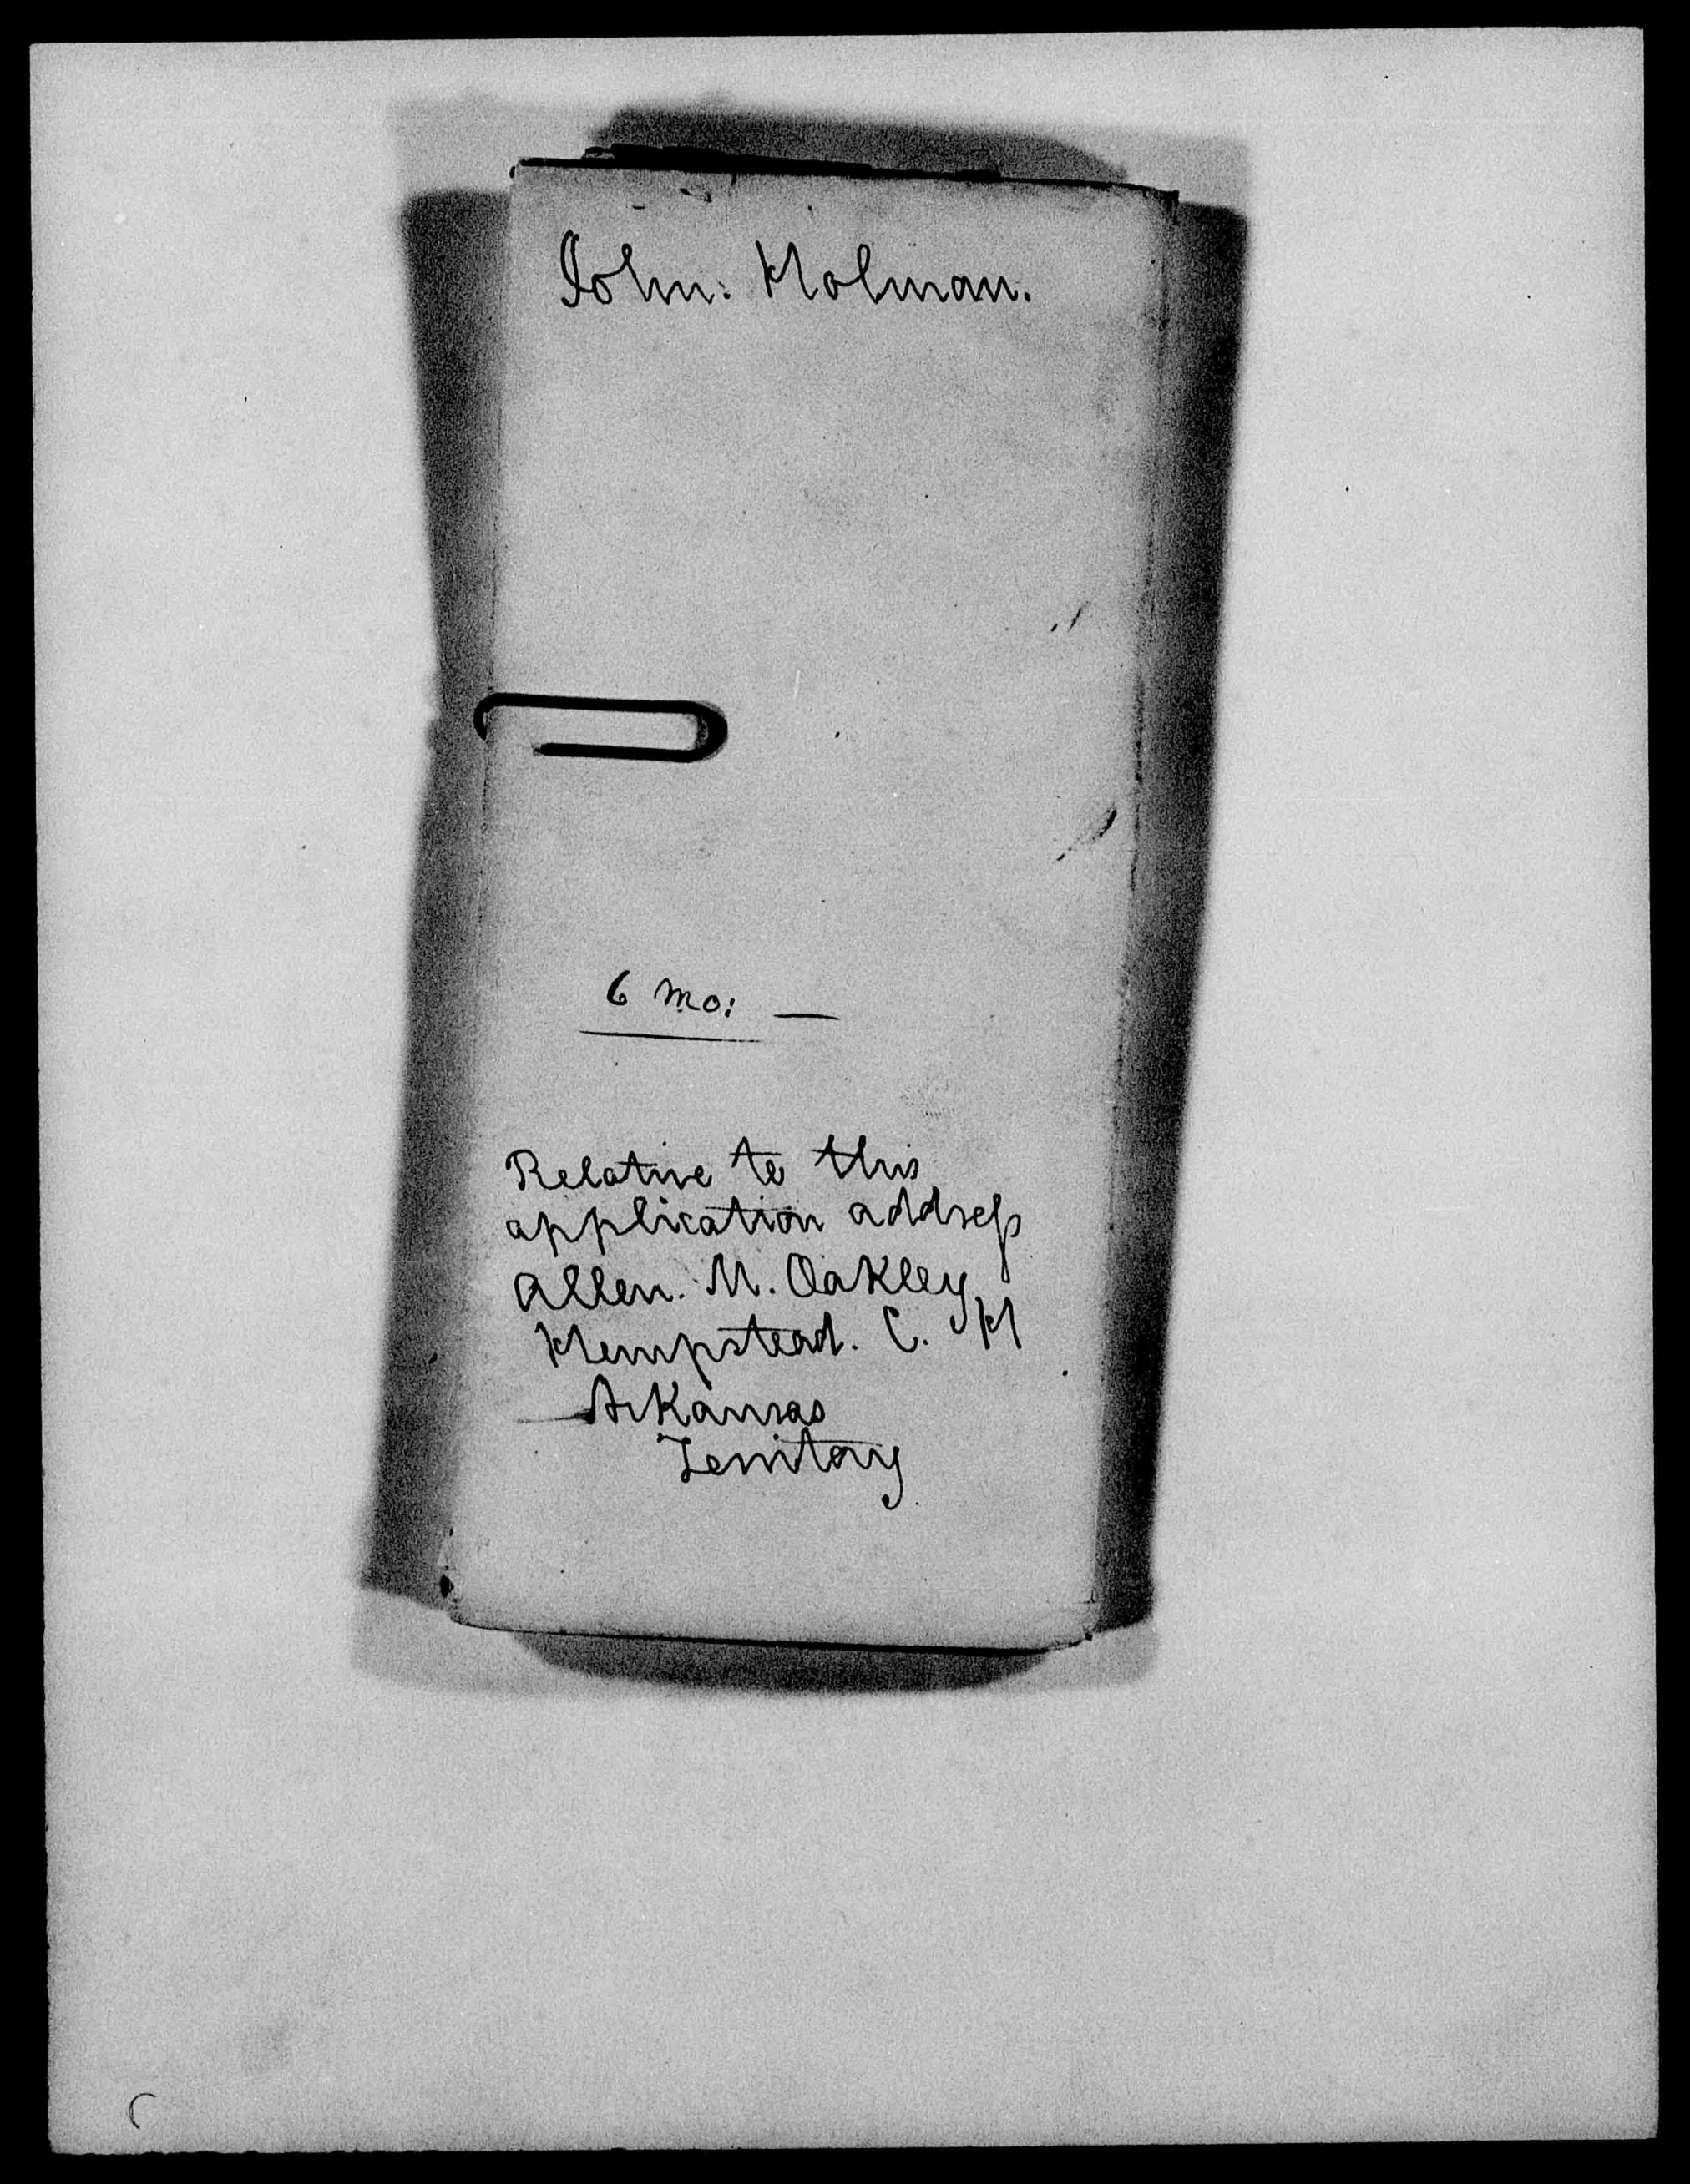John Holman

6 mo: [underlined]

Relative to this application address 
Allen M. Oakley
Hempstead C. M.
Arkansas Territory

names: John Holman, Allen M Oakley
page: 3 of 30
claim: survivor's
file: S. 31753, John Holman, Va.